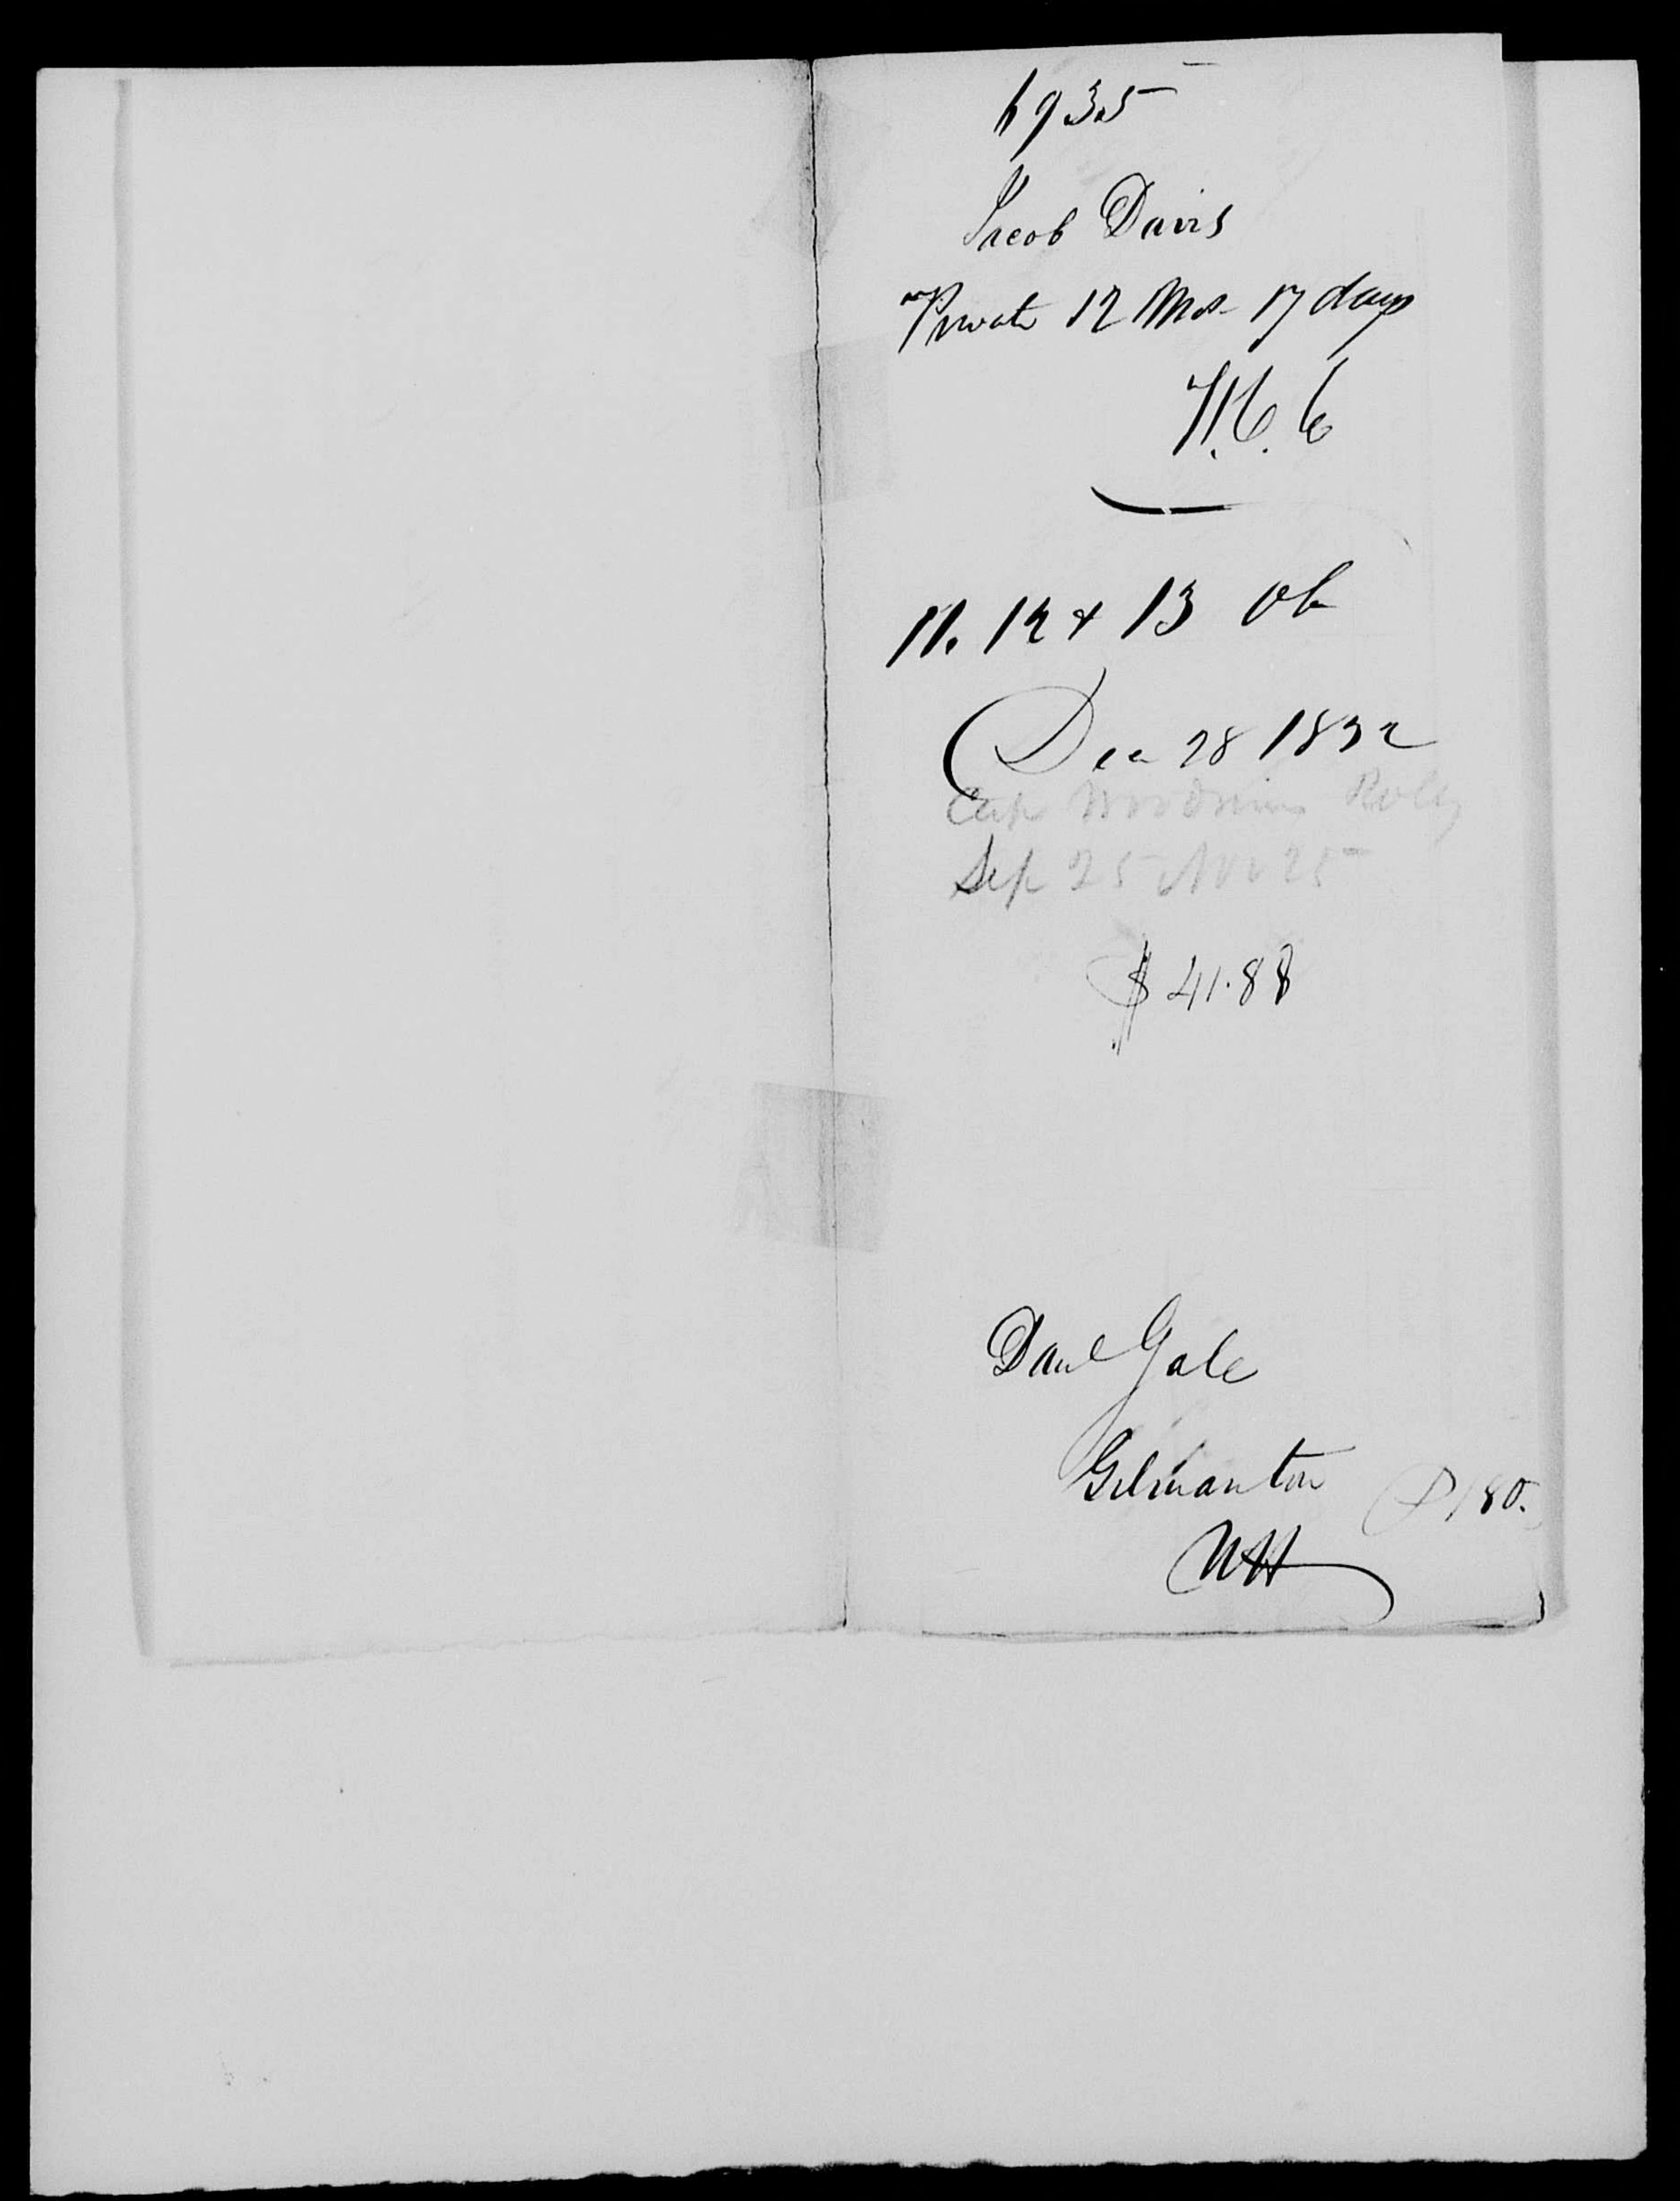6935
Jacob Davis
Private 12 Mos 17 days
W. C. E.

11. 12 and 13 ob
Dec 28 1832
Cap Woodmin[']s Rolls
Sep 25 Nov 25
$41.88

Danl Gale
Gilmanton N H
P 180.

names: Danl Gale, Jacob Davis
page: 5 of 47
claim: widow's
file: W. 24043, Jacob Davis, N.H.